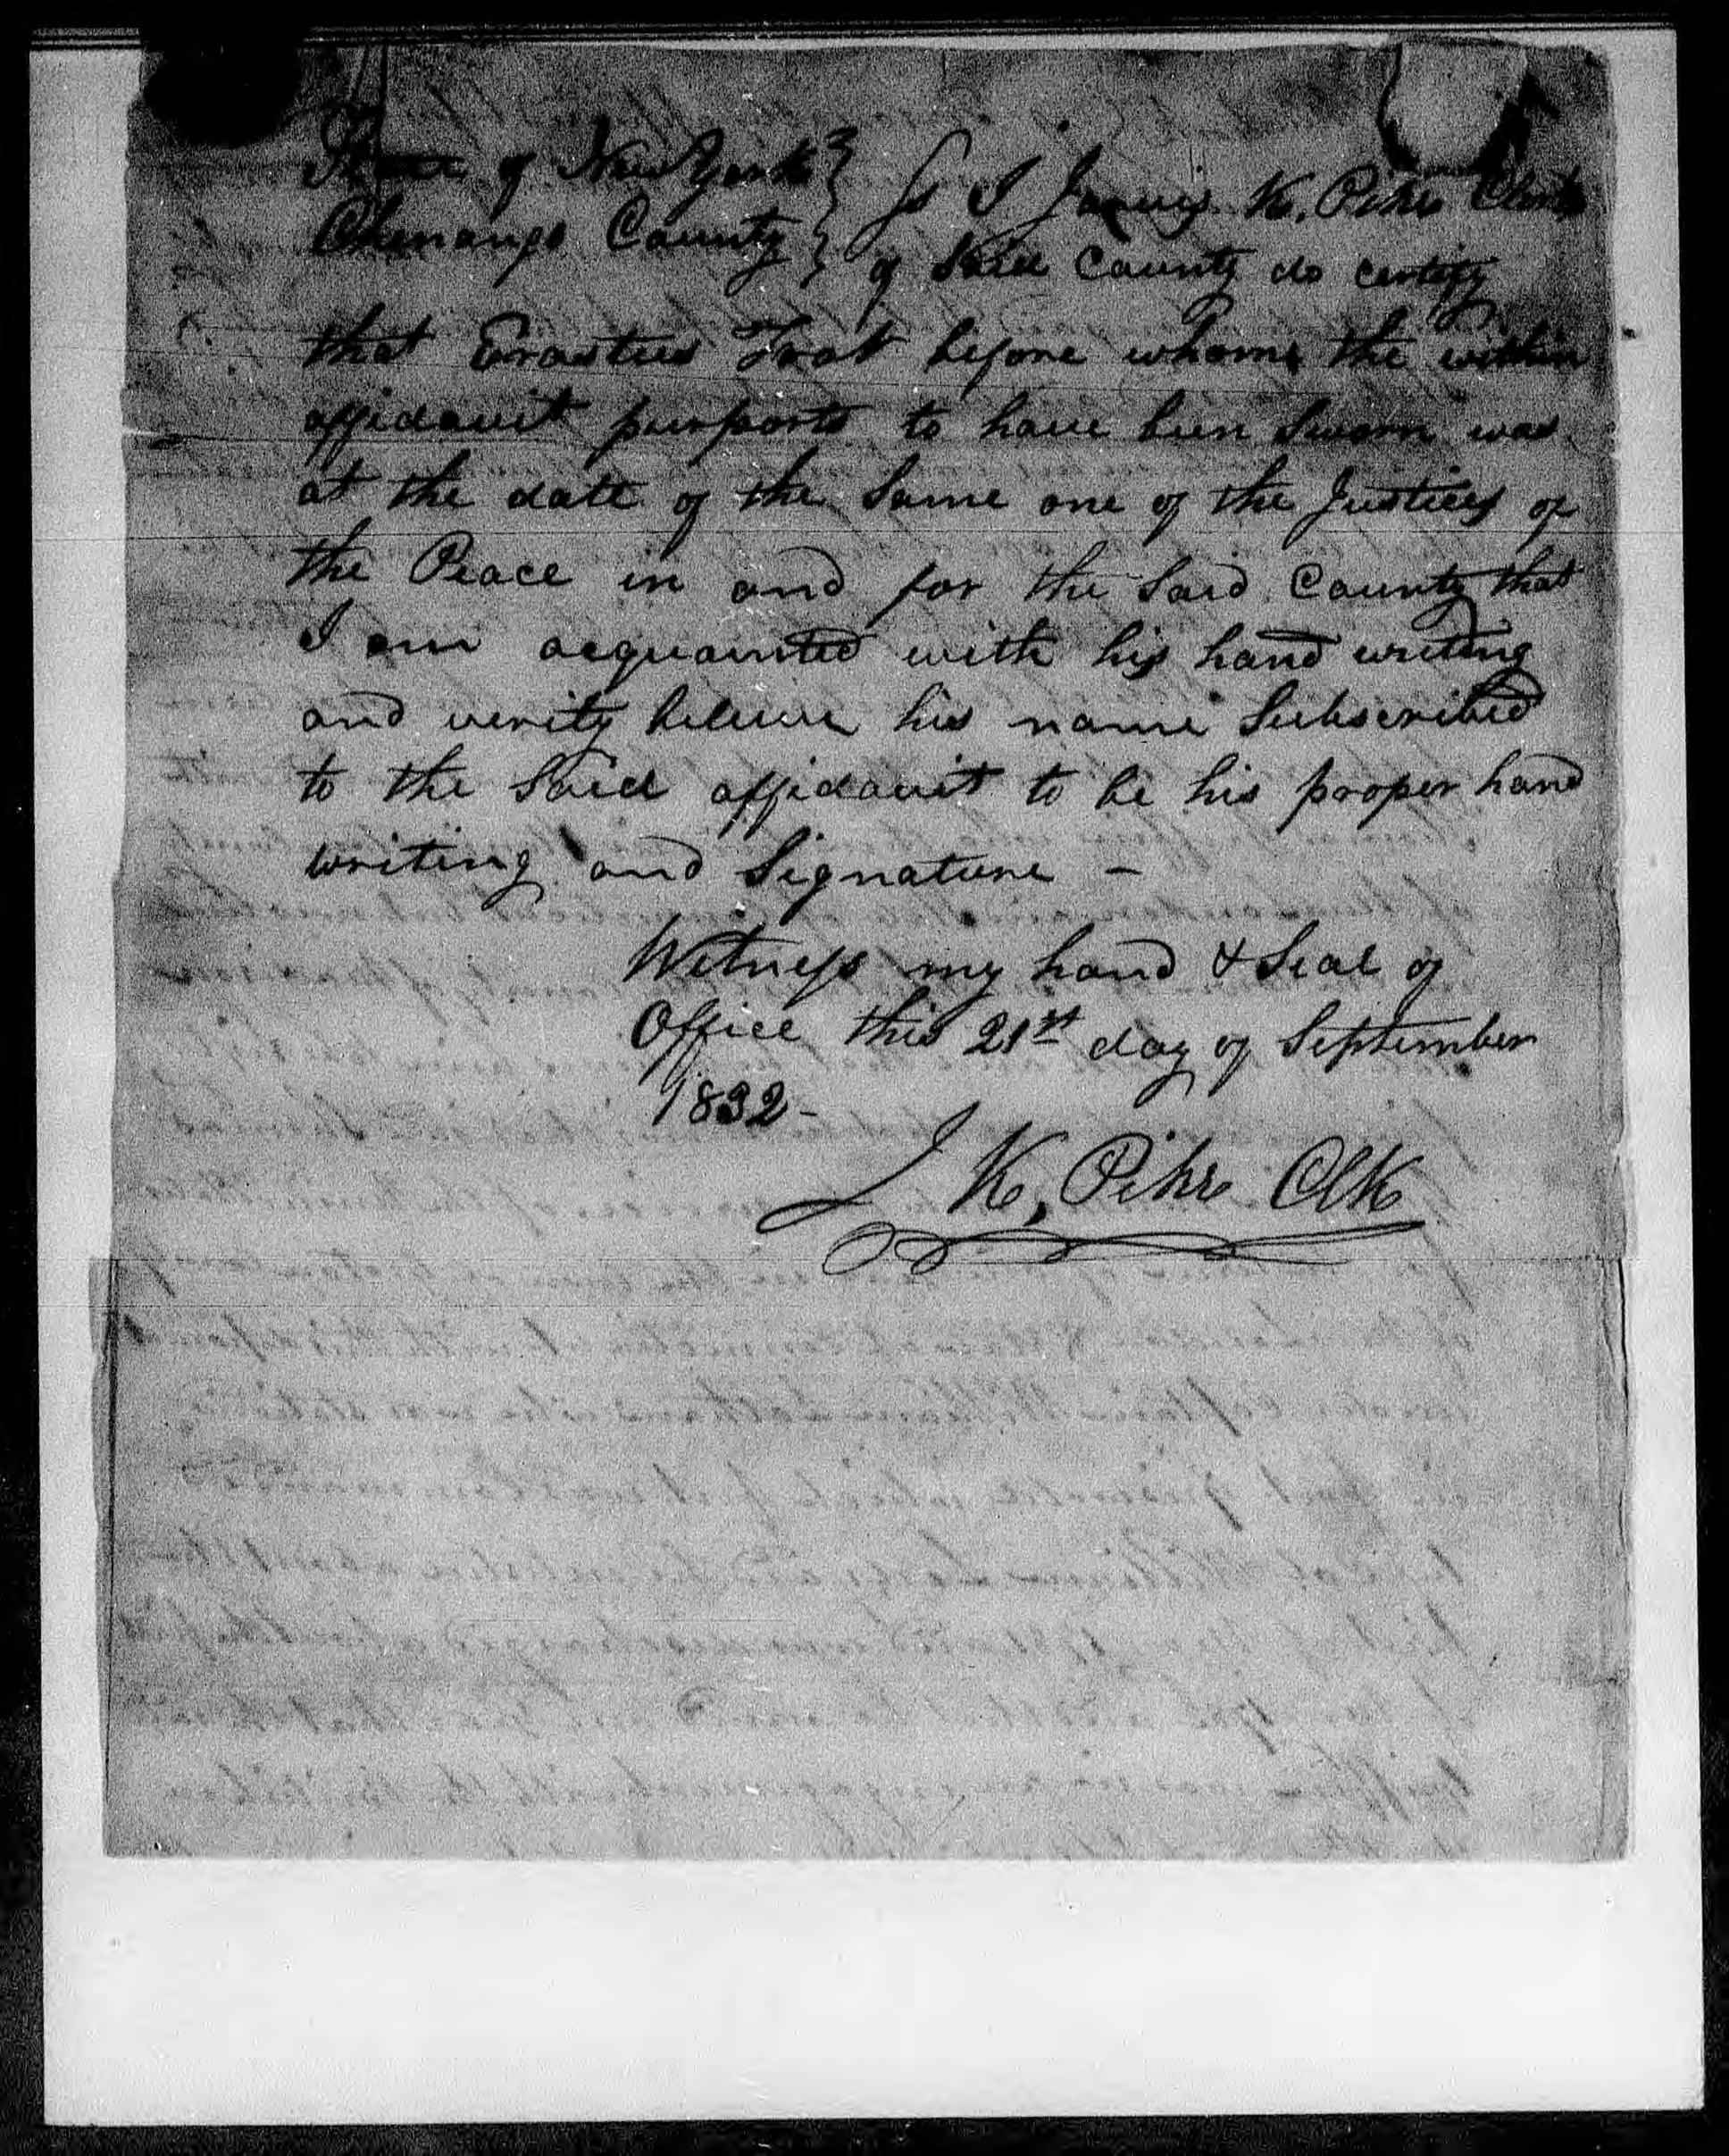State of New York [illegible] County ss
I James K. Pike Clark of Said County do certify that Erastus Foot before whom the within affidavit purports to have been Sworn was at the date of the Same one of the Justices of the Peace in and for the Said County that I am acquainted with his hand writing and verity believe his name Subscribed to the Said affidavit to be his proper hand writing and Signature —
Witness my hand & Seal of Office this 21st day of September 1832 —
J K Pike Clk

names: Erastus Foot, James K Pike, J K Pike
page: 9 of 60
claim: widow's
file: W. 19,537, Thomas Griffin, Conn.